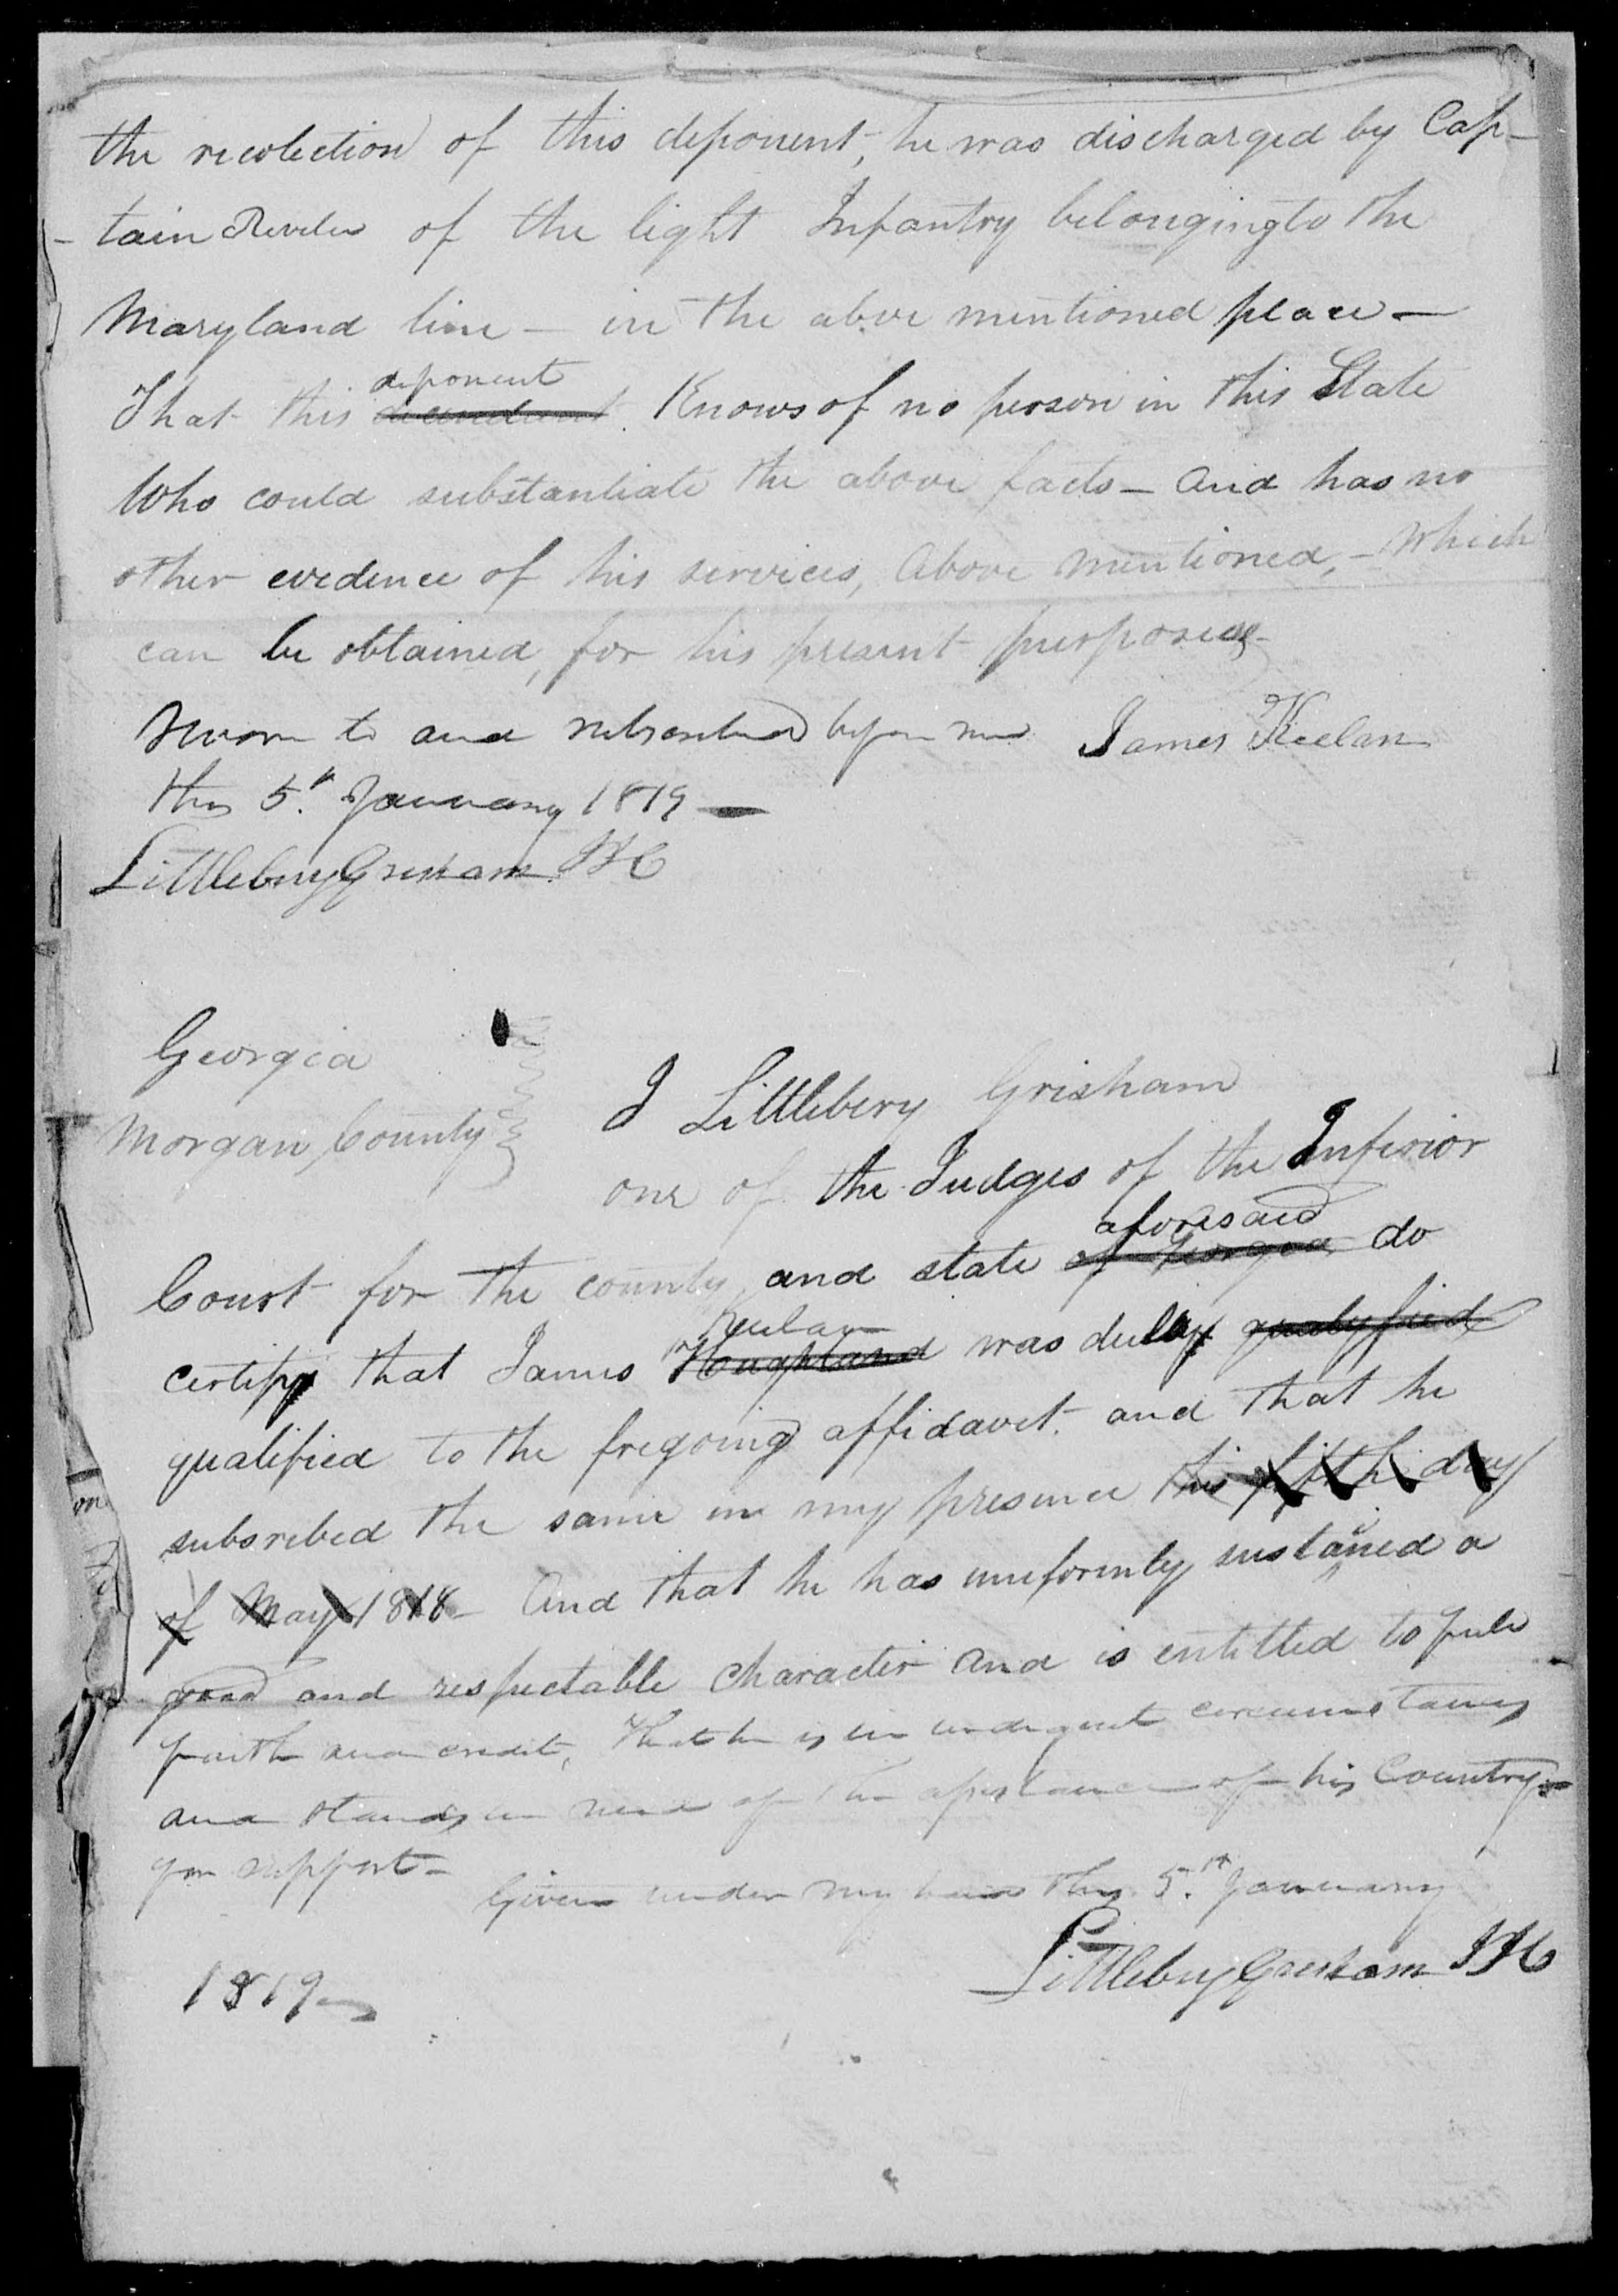the recollection of this deponent, he was discharged by Captain [illegible] of the light infantry belonging to the Maryland [illegible] - in the above mentioned places. That this deponent knows of no person in this State who could substantiate the above facts. And has no other evidence of his services above mentioned, which can be obtained for his present purposes.
Sworn to and [illegible] before me James Keelan 
this 5th January 1819 - Littleberry Gresham 

Georgia
Morgan County

I Littleberry Gresham one of the Judges of the Inferior Court for the county and state aforesaid do certify that James Keelan was duly qualified to the foregoing affidavit and that he subscribed the same in my presence. And that he has uniformly sustained a [illegible] and respectable character and is entitled to full faith and credit. That he is [illegible] undersigned concerned [illegible] and standing [?] [illegible] [illegible] of his [illegible] of his country for support.

Given under my [illegible] this 5th January
Littleberry Gresham 

1819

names: Littlebery Grisham; James Keelan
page: 8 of 16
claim: survivor's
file: S. 38110, for James Keelan, Maryland